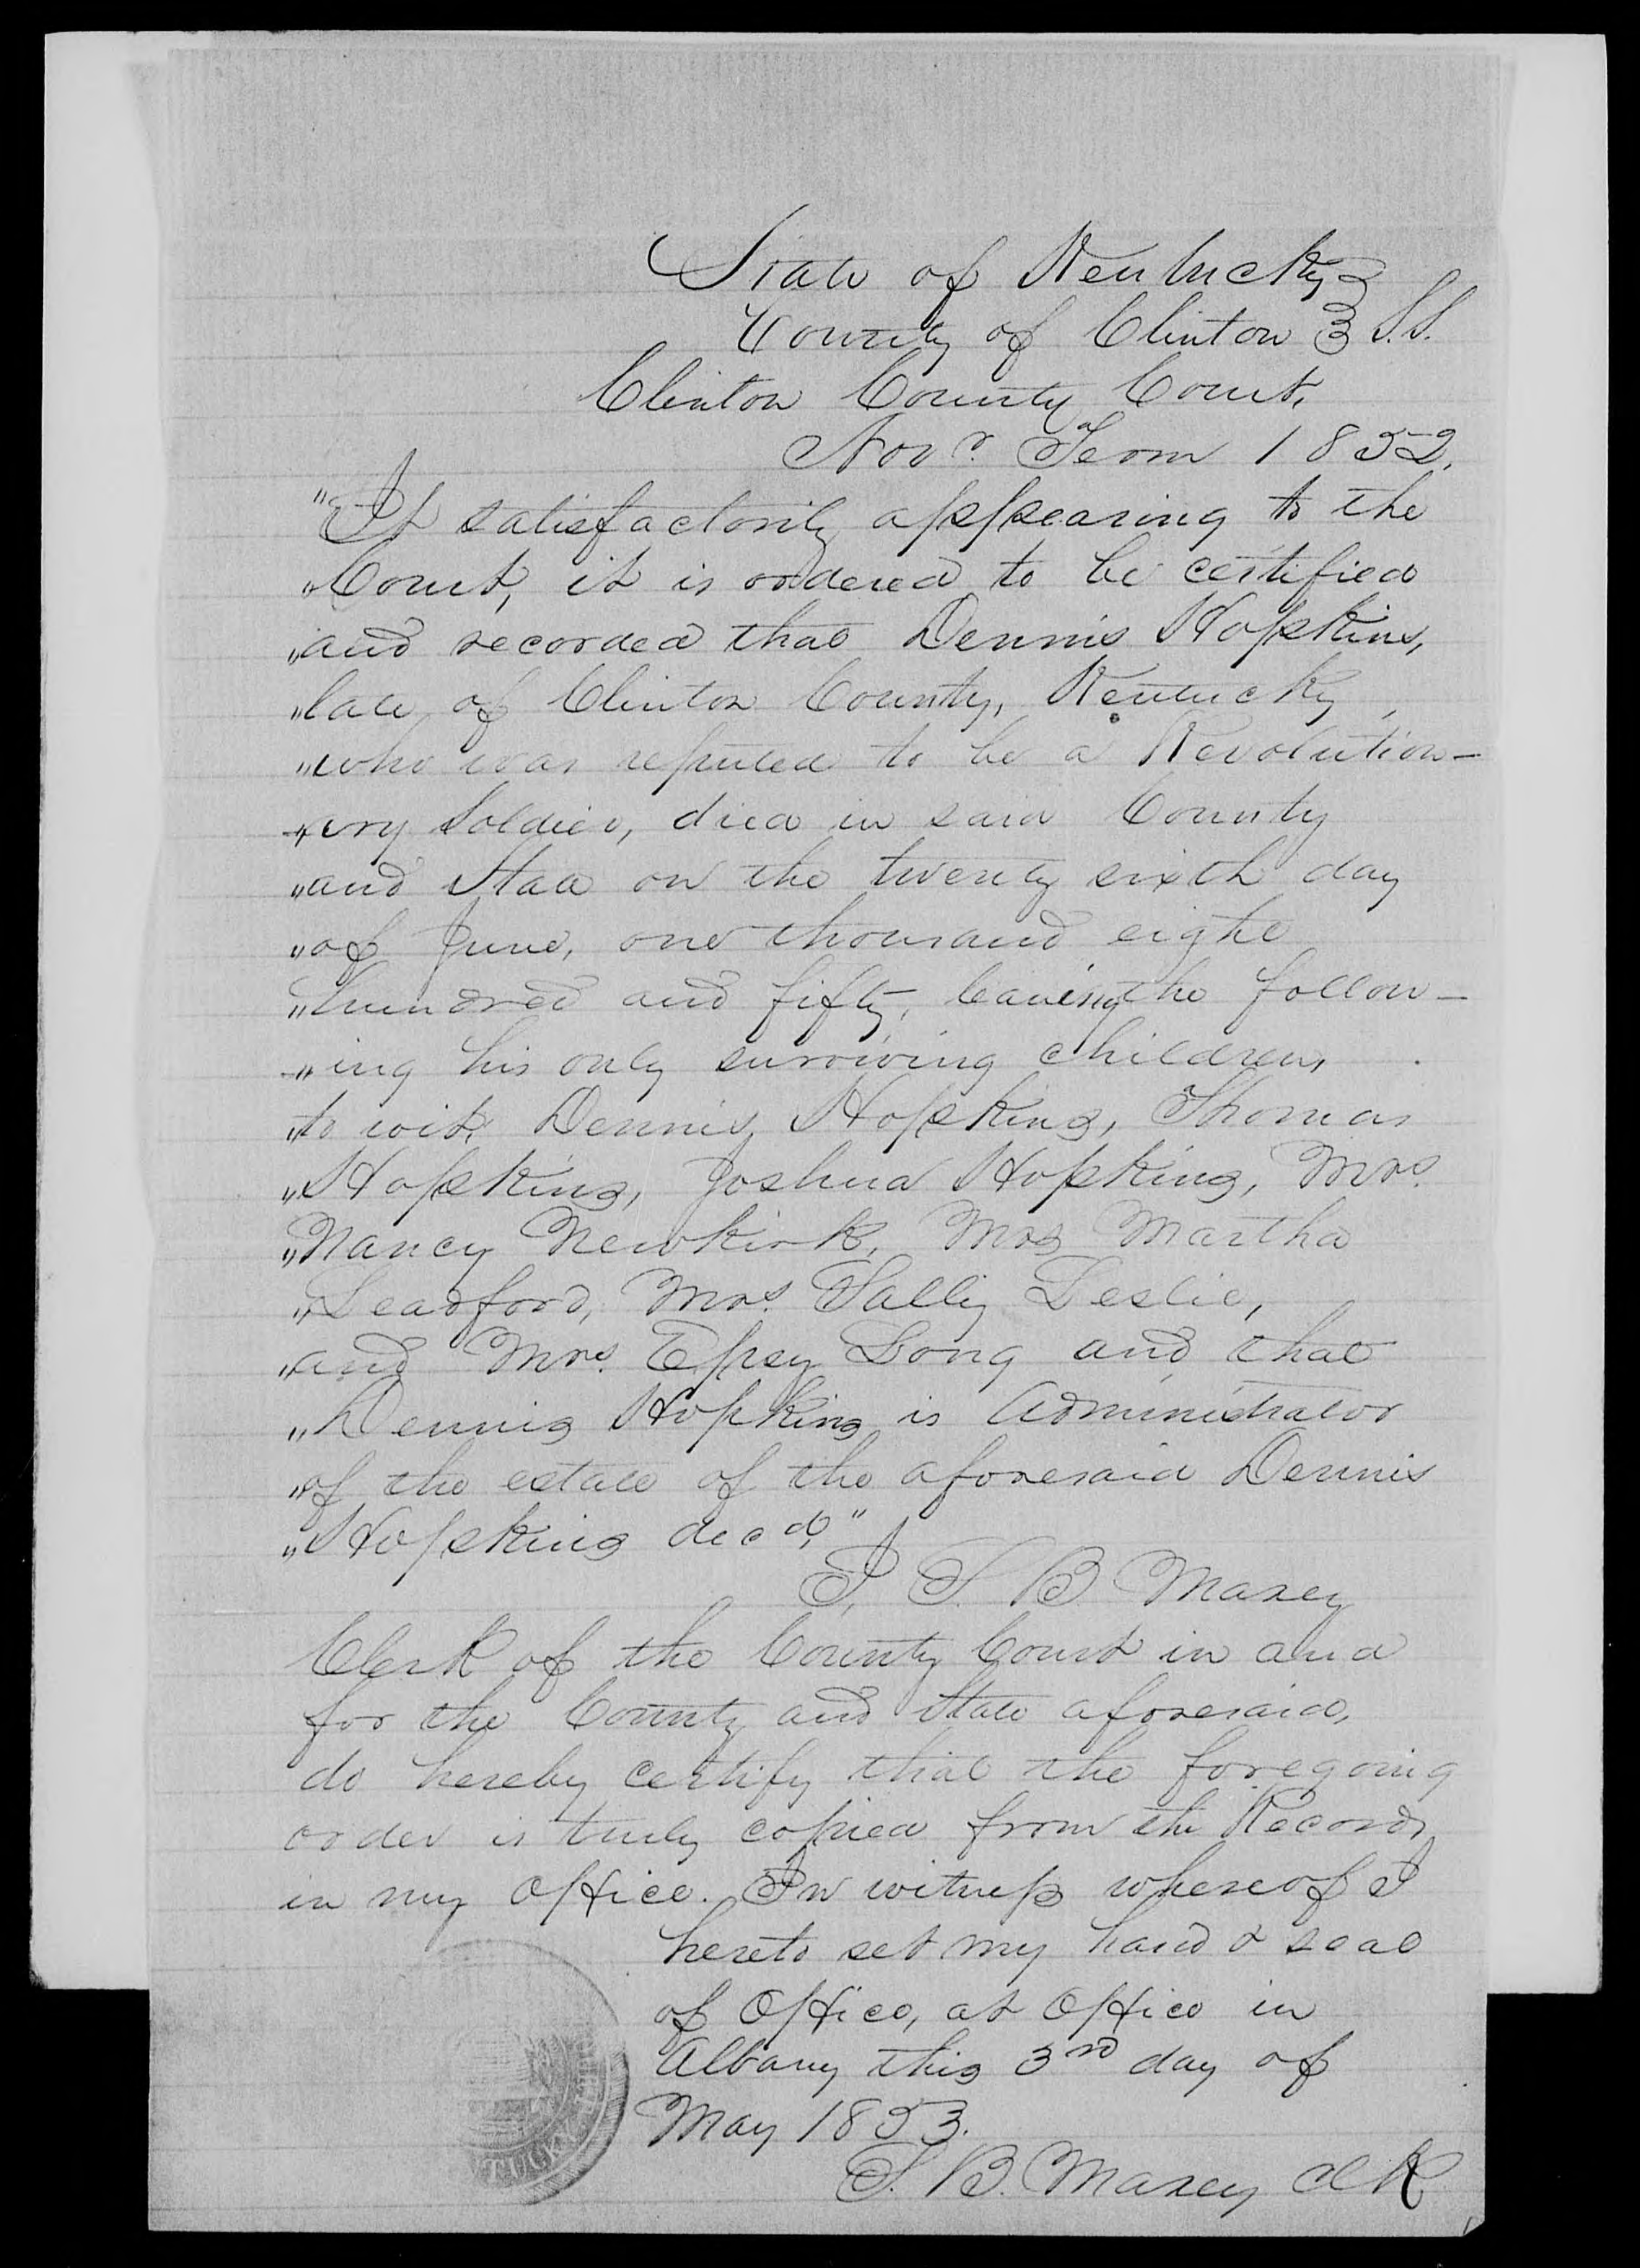State of Kentucky
County of Clinton ⎬ SS.
Clinton County Court,
Nov Term 1832,

If satisfactorily appearing to the Court, it is ordered to be certified and recorded that Dennis Hopkins, late of Clinton County, Kentucky who was reputed to be a Revolutionary soldier, died in said County and stay on the twenty sixth day of June, one thousand eight hundred and fifty, leaving the following his only surviving children, to wit, Dennis Hopkins, Thomas Hopkins, Joshua Hopkins, Mrs Nancy Newkirk, Mrs Martha Leadford, Mrs Sally Leslie, and Mr. Epry Long and that Dennis Hopkins is administrator of the estate of the aforesaid Dennis Hopkins decd
J.S. B. Maxey

Clerk of the County Court in and for the County and State aforesaid, do hereby certify that the foregoing order is truly copied from the Records in my office. In witness whereof I hereto set my hand & seal
of Office, at Office in
Albany this 3rd day of
May 1853.
SB. Maxey Clk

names: Nancy Newkirk, Joshua Hopkins, S B Maxey, Martha Leadford, Sally Leslie, Thomas Hopkins, Dennis Hopkins, Epsy Long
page: 9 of 144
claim: rejected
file: R. 5208, Dennis Hopkins, N.C.